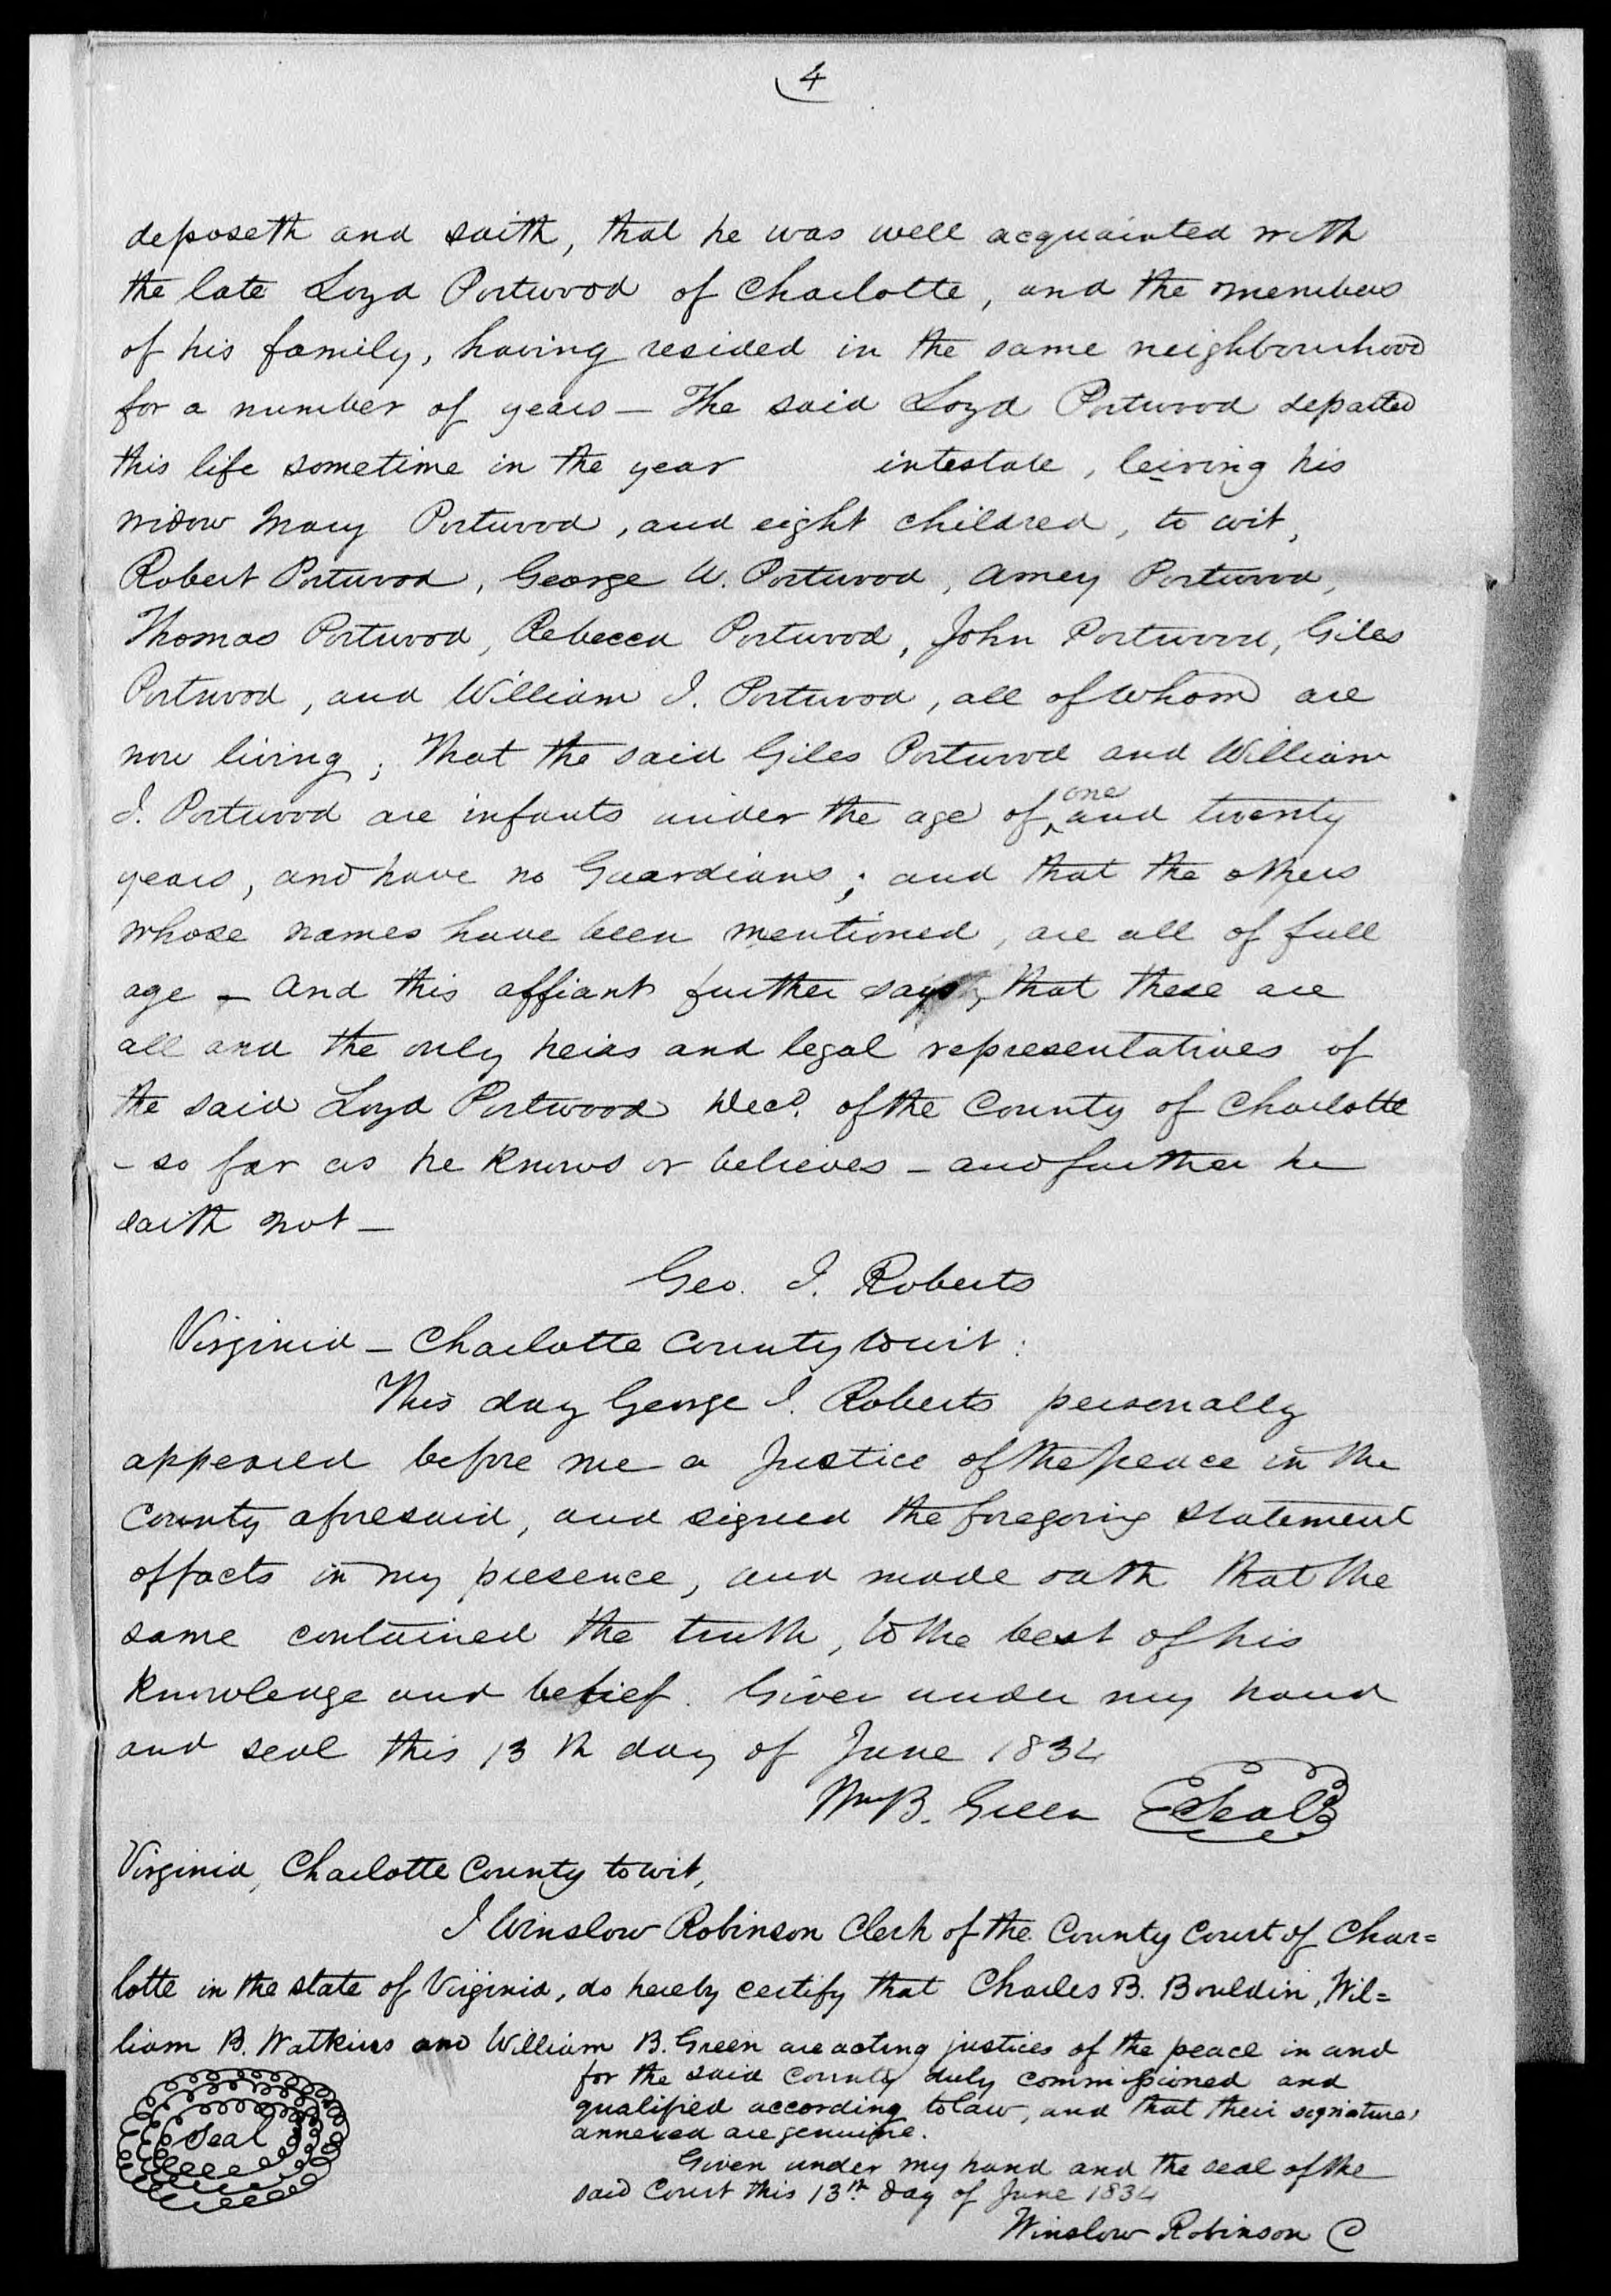4
deposeth and saith, that he was well acquainted with
the late Loyd Portwood of Charlotte, and the members of
his family, having resided in the same neighbourhood
for a number of years_ The said Loyd Portwood departed
this life sometime in the year [blank] intestate, leiving his
widow Mary Portwood, and eight children, to wit,
Robert Portwood, George W. Portwood, Amey Portwood,
Thomas Portwood, Rebecca Portwood, John Portwood, Giles
Portwood, and William J. Portwood, all of whom are
now living; That the said Giles Portwood and William
J. Portwood are infants under the age of one and twenty
years, and have no Guardians; and that the others
whose names have been mentioned, are all of full
age _ and this affiant further says that these are
all and the only heirs and legal representatives of
the said Loyd Portwood Decd. of the County of Charlotte
_ so far as he knows or believes _ and further he
saith not_
| Geo. J. Roberts
Virginia _ Charlotte County towit:
This day George J. Roberts personally
appeared before me a Justice of the peace in the
county aforesaid, and signed the foregoing statement
of facts in my presence, and made oath that the
same contained the truth, to the best of his
knowledge and belief. Given under my hand
and seal this 13th day of June 1834
| Wm B. Green Seal
Virginia, Charlotte County to wit,
I Winslow Robinson Clerk of the County Court of Charlotte
in the state of Virginia, do hereby certify that Charles B. Bouldin, William
B. Watkins and William B. Green are acting justices of the peace in and
for the said county duly commissioned and
qualified according to law, and that their signatures
annexed are genuine.
Given under my hand and the seal of the
said Court this 13th day of June 1834
| Winslow Robinson C
Seal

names: Charles B Bouldin; Amey Portwood; Thomas Portwood; Geo J Roberts; Mary Portwood; Loyd Portwood; George W Portwood; Wm B Green; Rebecca Portwood; Giles Portwood; Robert Portwood; John Portwood; Winslow Robinson; William B Walkins; William J Portwood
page: 45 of 50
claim: widow's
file: W. 1929, for Lloyd Portwood, Virginia